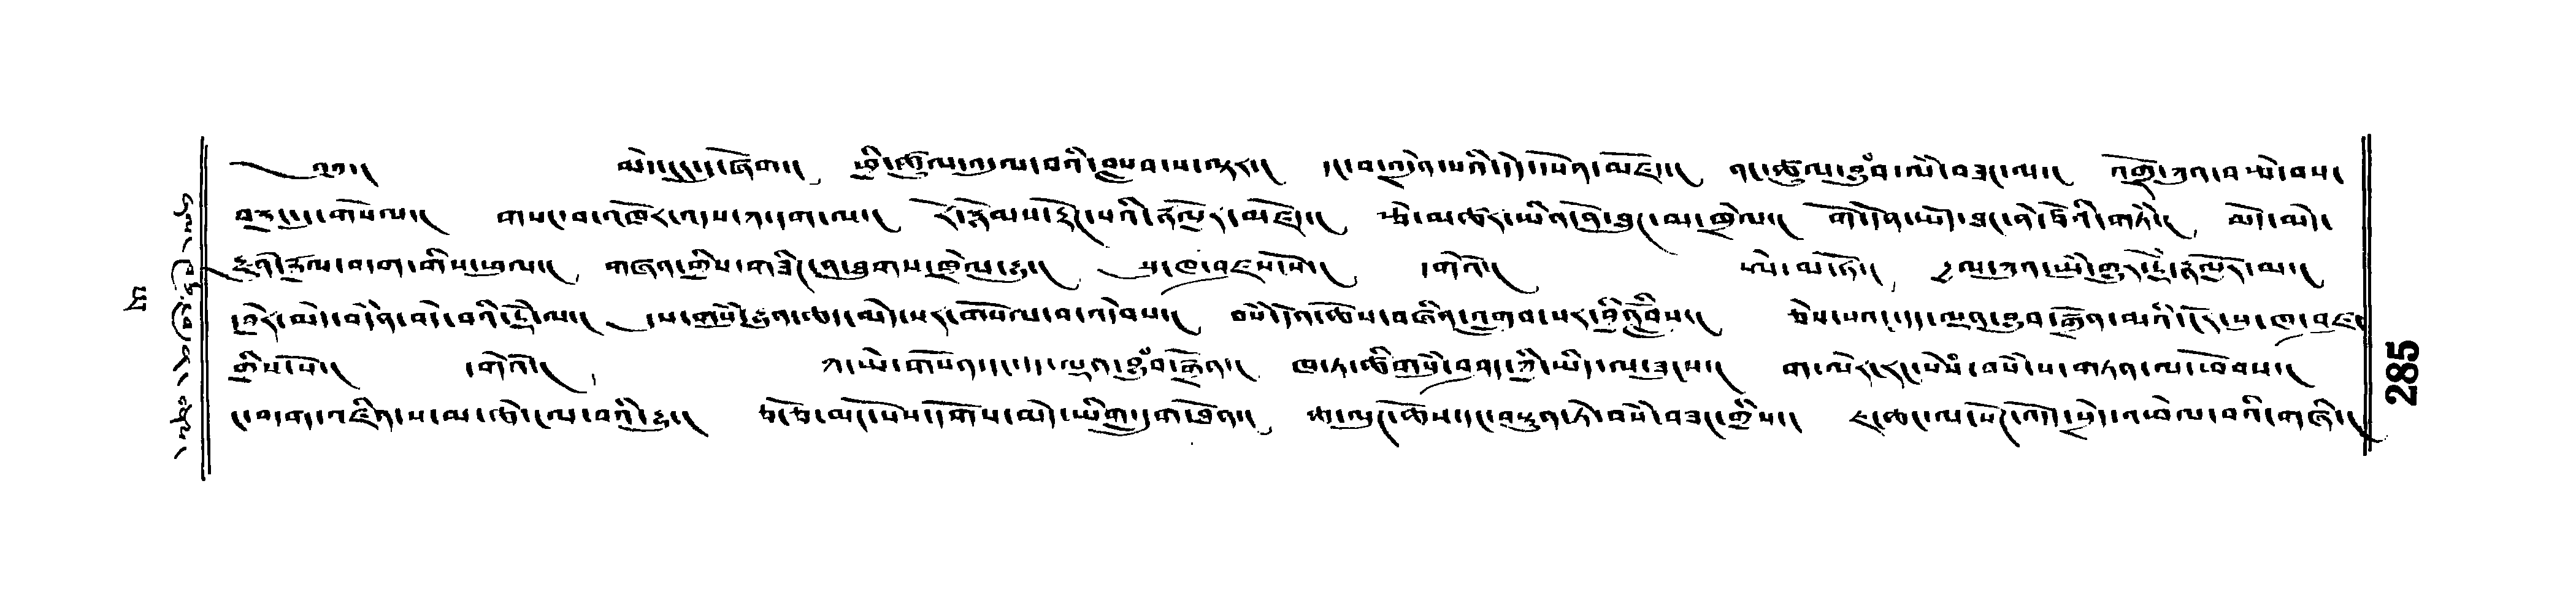མེད་ངང་དུ་ཞོག །ཕྱི་ཚུལ་འདུལ་བའི་བསླབ་པ་ལྟར། །དང་བ་འདྲེན་པའི་དེད་དཔོན་མཛོད། །ནང་ཚུལ་བྱང་ཆུབ་ལམ་བཟང་ལ། །འགྲོ་ཀུན་བརྩེ་བས་
བསྐྱང་དུ་གསོལ། །གསང་བ་འཁོར་འདས་ཀ་དག་ལ། །རོ་སྙོམས་རྟོགས་པའི་རྣལ་འབྱོར་མཛོད། །རྩེད་མཚར་ཡིན་ནོ་ཐུགས་མ་ཁྲེལ། །གོ་དོན་ཡོད་ཐང་ནེ་ཙོའི་གཏམ། །མདོ་མེད་
རྫུན་རྐྱལ་བདག་གིས་ཕུལ། །གཞན་གྱིས་གཟིགས་ན་ཐུགས་ཁྲེལ་རྒྱུ། སུ་ཁ་བཛྲས་སོ།། དགེའོ།། ཨེ་མ་ཧོ། རྒྱལ་ཀུན་ཡུམ་གྱུར་རྡོ་རྗེ་རྣལ་འབྱོར་མ། །
དབྱེར་མེད་བདེ་ཆེན་བདེ་བའི་རྡོ་རྗེ་ལ། །དུས་གསུམ་རྒྱུན་ཆད་མེད་པར་གསོལ་བ་འདེབས། །བསམ་དོན་ཆོས་བཞིན་འགྲུབ་པར་བྱིན་གྱིས་རློབས། ཅེས་པའང་དད་ལྡན་བྱང་ཆུབ་སྒྲོན་མའི་ངོར་སུ་ཁ་བཛྲ་
གྱིས་སོ། དགེའོ།། ཀ་ཡེ་གསོན་དང་དད་ལྡན་བྱང་ཆུབ་སྒྲོན། ཁ་ཏ་ཚིག་གསུམ་བཤད་ཀྱི་ཡིད་ལ་ཟུངས། །ག་ལེར་རང་སེམས་བསམ་པ་གཏན་ལ་ཕོབས། །
ང་བདག་འཛིན་པ་མ་ཆེ་ངལ་བའི་རྒྱུ། །ཅ་ཅོ་མང་པོས་དགོས་མེད་ཡིག་དྲུག་ཐོན། །ཆ་ལུགས་ཆོས་དང་བསྟུན་ཏེ་བསམ་བཟང་གྱིས། །ཇ་ཆང་ལ་སོགས་འདོད་སྲེད་འཕེལ་བའི་གཞི།